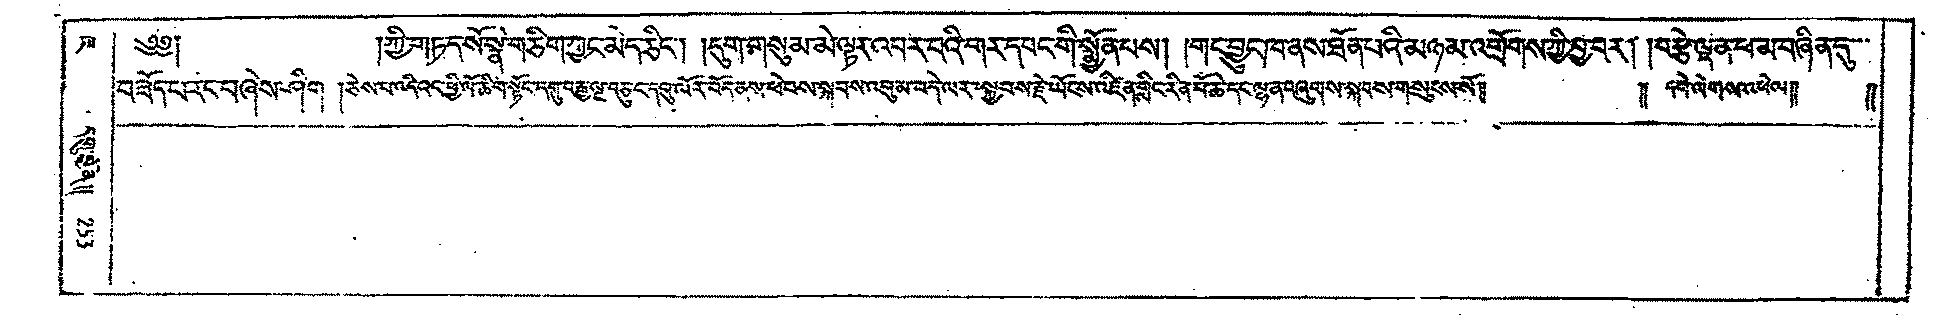༄༅། །ཀྱི་གཏད་སོ་སྣེ་གཅིག་ཀྱང་མེད་ཅིང་། །དུག་གསུམ་མེ་ལྟར་འབར་བའི་གར་དབང་གི་སྨྱོན་པས། །གང་བྱུང་ཁ་ནས་ཐོན་པའི་མཉམ་འགྲོགས་ཀྱི་བྱ་བར། །བརྩེ་ལྡན་ཕ་མ་བཞིན་དུ་
བཟོད་པ་རང་བཞེས་ཤིག ། ཅེས་པ་འདིའང་ཕྱི་ལོ་ཆིག་སྟོང་དགུ་བརྒྱ་ལྔ་བཅུ་ང་དགུ་ལོར་བོད་ནས་ཕེབས་སྐབས་འབུམ་བདེ་ལར་༧སྐྱབས་རྗེ་ཡོངས་འཛིན་གླིང་རིན་པོ་ཆེ་དང་ལྷན་བཞུགས་སྐབས་གསུངས་སོ།། །།དགེ་ལེགས་འཕེལ།། །།